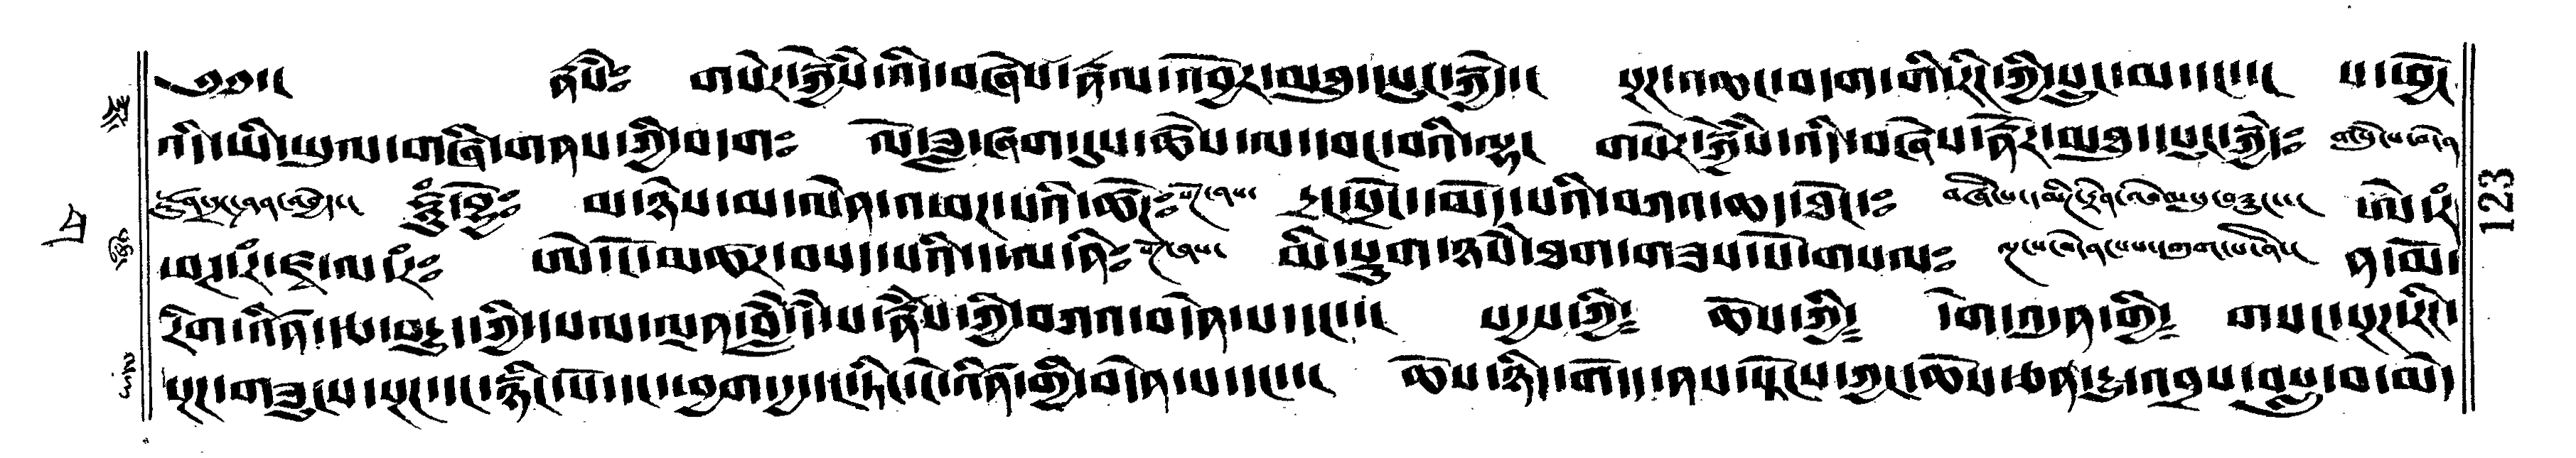རྣམས། །གསེར་སྐྱེམས་འདི་བཞེས་རྣལ་འབྱོར་མཐུ་དཔུང་སྐྱེད། །སྔགས་འཆང་བདག་གི་རིགས་ཀྱི་སྲུང་མ་དང་། །ས་ཕྱོགས་
འདི་ཡི་ཡུལ་གཞི་གནས་ཀྱི་བདག །ལོ་ཟླ་ཞག་དུས་ཚེས་ལ་དབང་བའི་ལྷ། །གསེར་སྐྱེམས་འདི་བཞེས་རྣལ་འབྱོར་མཐུ་དཔུང་སྐྱེད། གསུམ་པ་བདེན་
རྫུན་དྲང་ཤན་འབྱེད། ཧཱུྃ་བྷྱོ༔ མ་ཉེས་མ་ལན་འཕགས་པའི་ཚོགས༔ སོགས་ནས། དྲང་སྲོང་དམོད་པའི་བཀའ་ཆད་ཐོངས༔ བཞི་པ་དམིགས་རྟེན་འབེལ་ (?) དུ་བཟུང་། ཨེ་རཾ་
ཕཊ་རཾ་ཛྭ་ལ་རཾ༔ ཨེཿངོ་མཚར་བསད་པའི་ད་ལ་ནི༔ སོགས་ནས། མི་སྡུག་ཉམས་ཐག་གཟས་པོ་གསལ༔ ལྔ་པ་བདེན་པས་དགུག་པ་ནི། ན་མོ། 
རིག་འཛིན་རྩ་བརྒྱུད་ཀྱི་དཔལ་ལྡན་བླ་མ་དམ་པ་རྣམས་ཀྱི་བཀའ་བདེན་པ་དང་། སངས་རྒྱས་ཀྱི༴ ཆོས་ཀྱི༴ དགེ་འདུན་གྱི༴ གསང་སྔགས་རིགས་
སྔགས་གཟུངས་སྔགས་དང་སྙིང་པོ་དང་ཕྱག་རྒྱ་དང་ཏིང་ངེ་འཛིན་གྱི་བདེན་པ་དང་། ཆོས་ཉིད་གདོད་ནས་སྟོངས་ཀྱང་ཆོས་ཅན་རྒྱུ་འབྲས་བསླུ་བ་མེད་